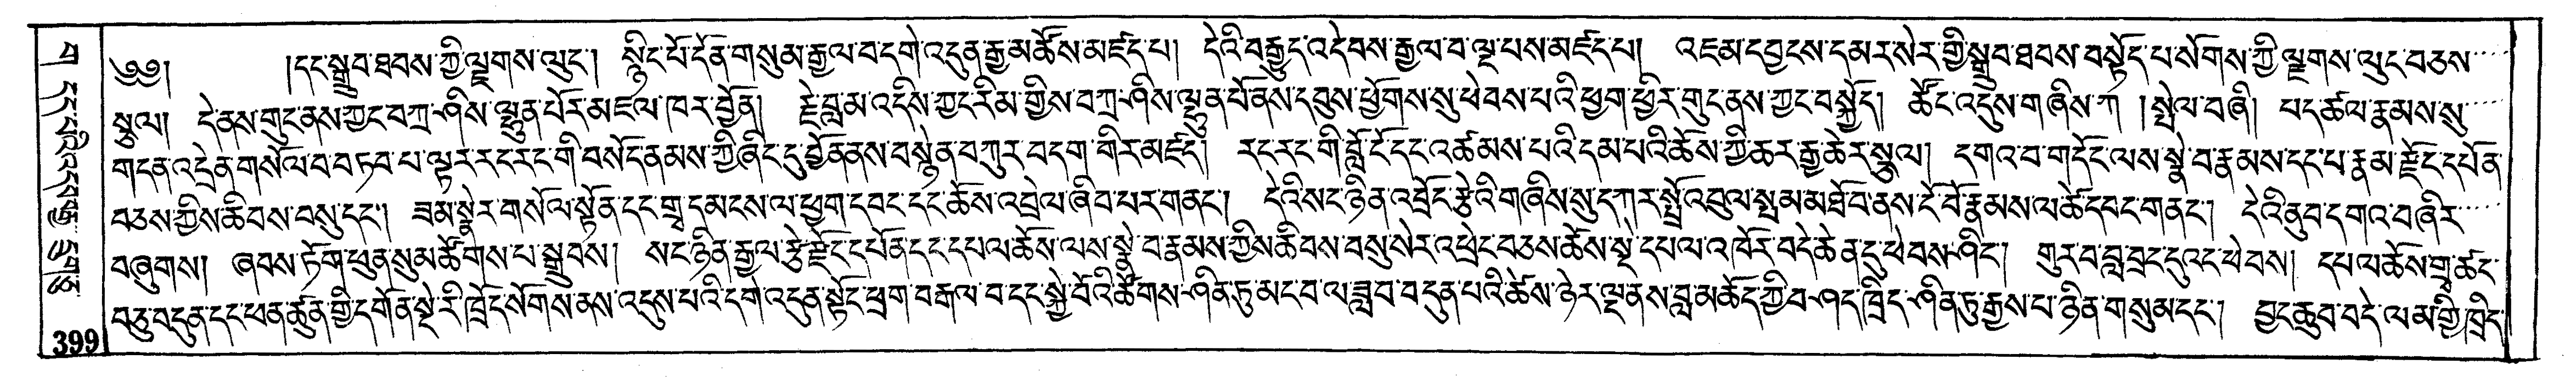༄༅། །དང་སྒྲུབ་ཐབས་ཀྱི་ལྗགས་ལུང་། སྙིང་པོ་དོན་གསུམ་རྒྱལ་བ་དགེ་འདུན་རྒྱ་མཚོས་མཛད་པ། དེའི་བརྒྱུད་འདེབས་རྒྱལ་བ་ལྔ་པས་མཛད་པ། འཇམ་དབྱངས་དམར་སེར་གྱི་སྒྲུབ་ཐབས་བསྟོད་པ་སོགས་ཀྱི་ལྗགས་ལུང་བཅས་
སྩལ། དེ་ནས་གུང་ནས་ཀྱང་བཀྲ་ཤིས་ལྷུན་པོར་མཇལ་ཁར་བྱོན། རྗེ་བླ་མ་འདིས་ཀྱང་རིམ་གྱིས་བཀྲ་ཤིས་ལྷུན་པོ་ནས་དབུས་ཕྱོགས་སུ་ཕེབས་པའི་ཕྱག་ཕྱིར་གུང་ནས་ཀྱང་བསྐྱོད། ཚོང་འདུས་གཞིས་ཀ །སྤེལ་བཞི། པད་ཚལ་རྣམས་སུ་
གདན་འདྲེན་གསོལ་བ་བཏབ་པ་ལྟར་རང་རང་གི་བསོད་ནམས་ཀྱི་ཞིང་དུ་བྱོན་ནས་བསྙེན་བཀུར་བདག་གིར་མཛད། རང་རང་གི་བློ་ངོ་དང་འཚམས་པའི་དམ་པའི་ཆོས་ཀྱི་ཆར་རྒྱ་ཆེར་སྩལ། དགའ་བ་གདོང་ལས་སྣེ་བ་རྣམས་དང་པ་རྣམ་རྫོང་དཔོན་
བཅས་ཀྱིས་ཆིབས་བསུ་དང་། ཟམ་སྣེར་གསོལ་སྟོན་དང་གྲྭ་དམངས་ལ་ཕྱག་དབང་དང་ཆོས་འབྲེལ་ཞིབ་པར་གནང་། དེའི་སང་ཉིན་འབྲོང་རྩེའི་གཞིས་སུ་དཀར་སྤྲོ་འབུལ་སྦམ་མཐོ་བ་ནས་ངོ་བོ་རྣམས་ལ་ཚེ་དབང་གནང་། དེའི་ནུབ་དགའ་བཞིར་
བཞུགས། ཞབས་ཏོག་ཕུན་སུམ་ཚོགས་པ་སྒྲུབས། སང་ཉིན་རྒྱལ་རྩེ་རྫོང་དཔོན་དང་དཔལ་ཆོས་ལས་སྣེ་བ་རྣམས་ཀྱིས་ཆིབས་བསུ་སེར་འཕྲེང་བཅས་ཆོས་སྡེ་དཔལ་འཁོར་བདེ་ཆེན་དུ་ཕེབས་ཤིང་། གུར་པ་བླ་བྲང་དུའང་ཕེབས། དཔལ་ཆོས་གྲྭ་ཚང་
བཅུ་བདུན་དང་ཕན་ཚུན་གྱི་དགོན་སྡེ་རི་ཁྲོད་སོགས་ནས་འདུས་པའི་དགེ་འདུན་སྟོང་ཕྲག་བརྒལ་བ་དང་སྐྱེ་བོའི་ཚོགས་ཤིན་ཏུ་མང་བ་ལ་ཟླ་བ་བདུན་པའི་ཚེས་ཉེར་ལྔ་ནས་བླ་མཆོད་ཀྱི་བཤད་ཁྲིད་ཤིན་ཏུ་རྒྱས་པ་ཉིན་གསུམ་དང་། བྱང་ཆུབ་བདེ་ལམ་གྱི་ཁྲིད་